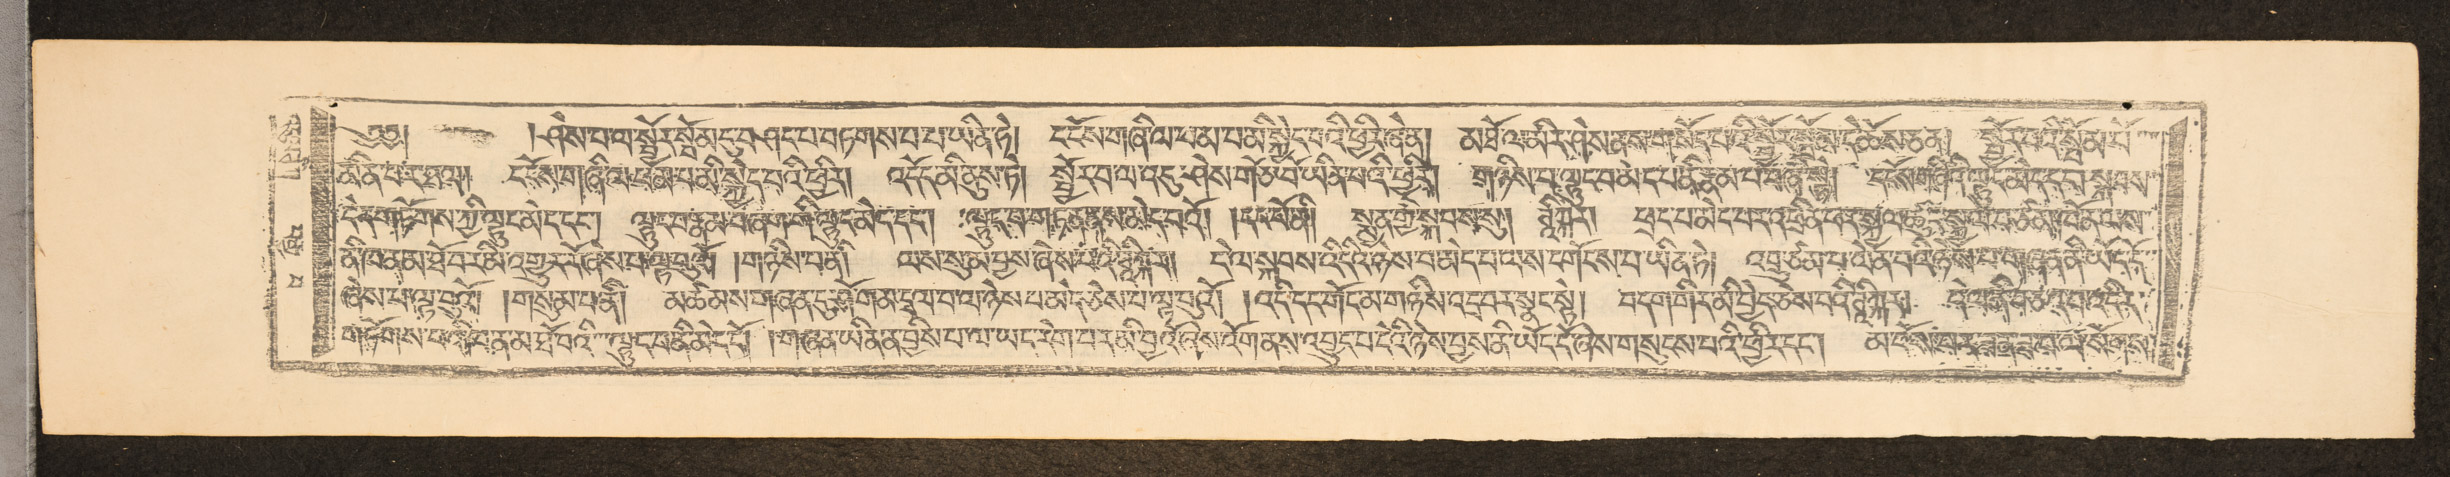༄༅། །ཤེས་པ་ལ་སྦྱོར་སྦོམ་དུ་བཤད་པ་བཏགས་ཕ་བ་ཡིན་ཏེ། དངོས་གཞི་ལ་ཕམ་པ་མི་སྐྱེད་པའི་ཕྱིར་ཞེ་ན། མཐོ་ལ་མིར་ཤེས་ནས་གསོད་པའི་སྦྱོར་སྦོམ་དེ་ཆོས་ཅན། སྦྱོར་བའི་སྦོམ་པོ་
མིན་པར་ཐལ། དངོས་གཞི་ལ་ཕམ་པ་མི་སྐྱེད་པའི་ཕྱིར། འདོད་མི་ནུས་ཏེ། སྦྱོར་བ་ལ་འདུ་ཤེས་གཙོ་བོ་ཡིན་པའི་ཕྱིར། གཉིས་པ་ལྟུང་བ་མེད་པ་ནི་རྣམ་པ་བཞི་སྟེ། དངོས་གཞིའི་ལྟུང་མེད་དང་། སྐབས་
དེར་གཏོགས་ཀྱི་ལྟུང་མེད་དང་། ལྟུང་བ་རྣམ་བཞག་གི་ལྟུང་མེད་དང་། ལྟུང་བ་གཏན་ནས་མེད་པའོ། །དང་པོ་ནི། སྨྱན་གྱི་སྐབས་སུ། ཊཱིཀྐར། ཕྲད་པ་མེད་པར་འཕྲིན་པར་སྐྱལ་ཚུར་སྐྱལ་བ་ཙམ་ཁོ་ན་ལས་
ནི་ཁ་ན་མ་ཐོ་བར་མི་འགྱུར་རོ་ཞེས་པ་ལྟ་བུའོ། །གཉིས་པ་ནི། ལས་སུ་མ་བྱས་ཞེས་པའི་ཊཱིཀྐར། དེ་ལ་སྐབས་འདིའི་ཉེས་པ་མེད་པ་ལས་དགོངས་པ་ཡིན་ཏེ། འབྲུ་ཙམ་པ་ལེན་པའི་ཉེས་པ་གཞན་ནི་ཡོད་དོ་
ཞེས་པ་ལྟ་བུའོ། །གསུམ་པ་ནི། མཚམས་གཞན་དུ་ཤོ་གམ་དྲལ་བ་ལ་ཉེས་པ་མེད་ཅེས་པ་ལྟ་བུའོ། །འདི་དང་གོང་མ་གཉིས་འདྲ་བར་སྣང་སྟེ། བདག་གིར་མི་བྱེད་ཅེས་པའི་ཊཱིཀྐར། དེ་ལ་ནི་བཅའ་བ་འདིར་
གཏོགས་པའི་ཁ་ན་མ་ཐོ་བའི་ལྟུང་བ་ནི་མེད་དོ། །གཞན་ཡིན་ན་བྱིས་པ་ལ་ཡང་རེག་པར་མི་བྱའོ་ཞེས་འོག་ནས་འབྱུང་བ་དེའི་ཉེས་བྱས་ནི་ཡོད་དོ་ཞེས་གསུངས་པའི་ཕྱིར་དང་། མ་བོས་པར་ཟན་ཟ་བ་ལ་སོགས་